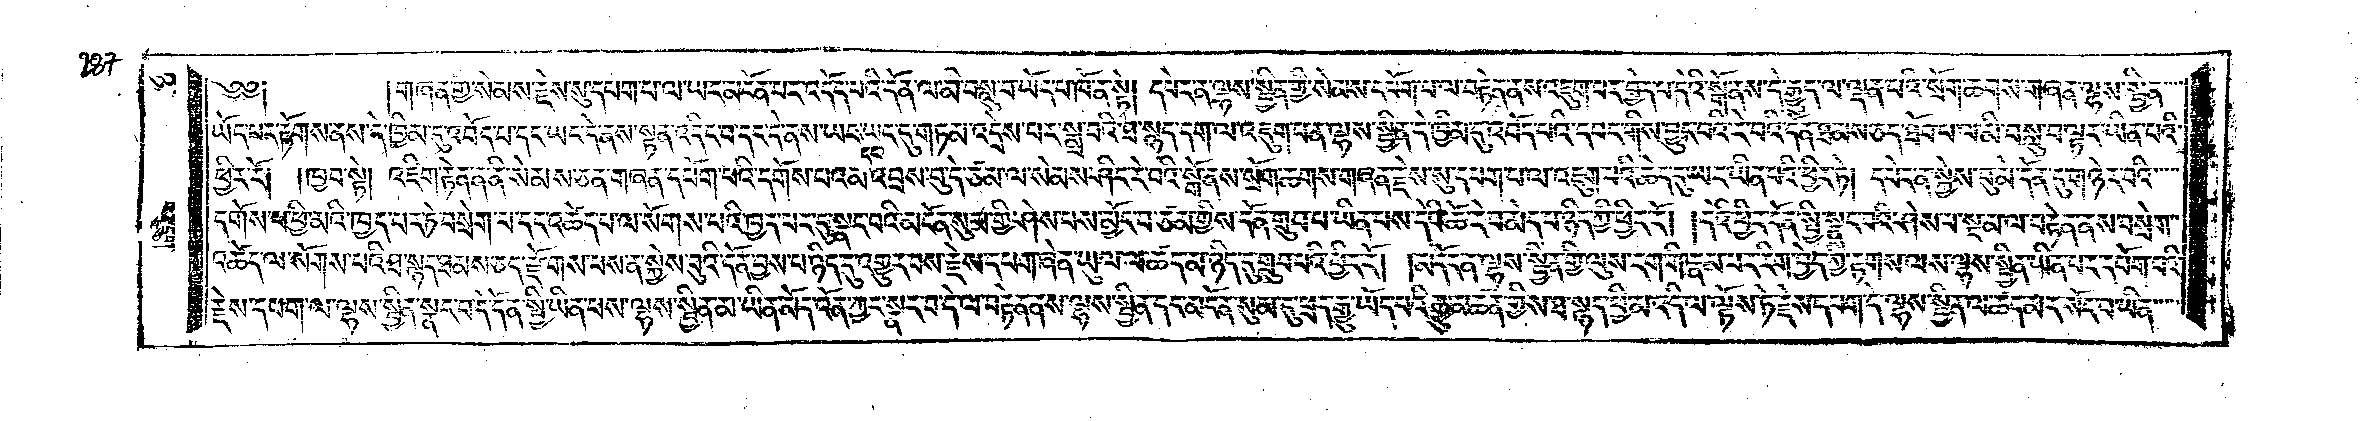༄༅། །གཞན་གྱི་སེམས་རྗེས་སུ་དཔག་པ་ལ་ཡང་མངོན་པར་འདོད་པའི་དོན་ལ་མི་བསླུ་བ་ཡོད་པ་ཁོ་ན་སྟེ། དཔེར་ན་ལྷས་སྦྱིན་གྱི་སེམས་དཔོག་པ་ལ་བརྟེན་ནས་འཇུག་པར་བྱེད་པ་དེའི་སྒོ་ནས་དེ་རྒྱུད་ལ་ལྡན་པའི་སྲོག་ཆགས་གཞན་ལྷས་སྦྱིན་
ཡོད་པར་རྟོགས་ནས་དེ་ཁྱིམ་དུ་འབོད་པ་དང་ཡང་དེ་ནས་སྟན་འདིང་བ་དང་དེ་ནས་ཡང་དང་ཡང་དུ་གཏམ་འདྲེས་པར་སྨྲ་བའི་ཐ་སྙད་དག་ལ་འཇུག་པ་ན་ལྷས་སྦྱིན་དེ་ཁྱིམ་དུ་འབོད་པའི་དབང་གིས་བྱུང་བའི་རེ་བའི་དོན་ཐམས་ཅད་ཐོབ་པ་ལ་མི་བསླུ་བ་ལྟར་ཡིན་པའི་
ཕྱིར་རོ། །ཁྱབ་སྟེ། འཇིག་རྟེན་ན་ནི་སེམས་ཅན་གཞན་དཔོག་པའི་དགོས་པའམ་འབྲས་བུ་དེ་ཙམ་ལ་སེམས་ཤིང་རེ་བའི་སྒོ་ནས་སྲོག་ཆགས་གཞན་རྗེས་སུ་དཔག་པ་ལ་འཇུག་པའི་ཆེད་དུ་ཡང་ཡིན་པའི་ཕྱིར་ཏེ། དཔེར་ན་སྐྱེས་བུ་མེ་དོན་དུ་གཉེར་བའི་
དགོས་པ་ཕྱི་མའི་ཁྱད་པར་ཏེ་བསྲེག་པ་དང་འཚེད་པ་ལ་སོགས་པའི་ཁྱད་པར་དུ་སྣང་བའི་མངོན་སུམ་གྱི་ཤེས་པས་མྱོང་བ་ཙམ་གྱིས་དོན་གྲུབ་པ་ཡིན་པས་དེའི་ཚེ་རེ་བ་མེད་པ་ཉིད་ཀྱི་ཕྱིར་རོ། །དེའི་ཕྱིར་དོན་སྤྱི་སྣང་བའི་ཤེས་པ་སྔ་མ་ལ་བརྟེན་ནས་བསྲེག་
འཚེད་ལ་སོགས་པའི་ཐ་སྙད་ཐམས་ཅད་རྫོགས་པས་ན་སྐྱེས་བུའི་དོན་བྱས་པ་ཉིད་དུ་འགྱུར་བས་རྗེས་དཔག་ཞེན་ཡུལ་ལ་ཚད་མ་ཉིད་དུ་གྲུབ་པའི་ཕྱིར་རོ། །མདོར་ན་ལྷས་སྦྱིན་གྱི་ལུས་ངག་གི་རྣམ་པར་རིག་བྱེད་ཀྱི་རྟགས་ལས་ལྷས་སྦྱིན་ཡིན་པར་དཔོག་པའི་
རྗེས་དཔག་ལ་ལྷས་སྦྱིན་སྣང་བ་དེ་དོན་སྤྱི་ཡིན་པས་ལྷས་སྦྱིན་མ་ཡིན་མོད་འོན་ཀྱང་སྣང་བ་དེ་ལ་བརྟེན་ནས་ལྷས་སྦྱིན་དང་མངོན་སུམ་དུ་ཕྲད་རྒྱུ་ཡོད་པའི་རྒྱུ་མཚན་གྱིས་ཐ་སྙད་ཕྱི་མ་འདི་ལ་ལྟོས་ཏེ་རྗེས་དཔག་དེ་ལྷས་སྦྱིན་ལ་ཚད་མར་སོང་བ་ཡིན་